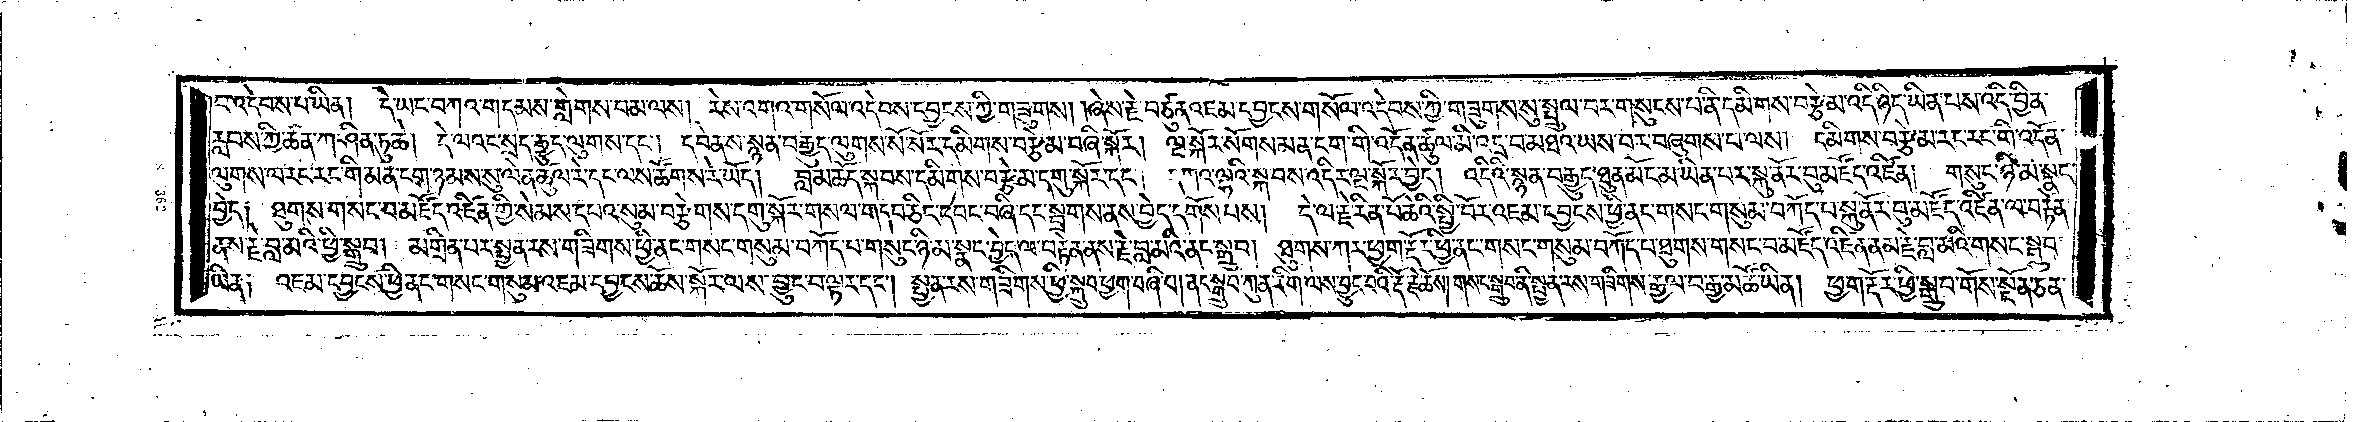བ་འདེབས་པ་ཡིན། དེ་ཡང་བཀའ་གདམས་གླེགས་བམ་ལས། རེས་འགའ་གསོལ་འདེབས་དབྱངས་ཀྱི་གཟུགས། །ཞེས་རྗེ་བཙུན་འཇམ་དབྱངས་གསོལ་འདེབས་ཀྱི་གཟུགས་སུ་སྤྲུལ་བར་གསུངས་པ་ནི་དམིགས་བརྩེ་མ་འདི་ཉིད་ཡིན་པས་འདི་བྱིན་
རླབས་ཀྱི་ཚན་ཀ་ཤིན་ཏུ་ཆེ། དེ་ལའང་སྲད་རྒྱུད་ལུགས་དང་། དབེན་ས་སྙན་བརྒྱུད་ལུགས་སོ་སོར་དམིགས་བརྩེ་མ་བཞི་སྐོར། ལྔ་སྐོར་སོགས་མན་ངག་གི་འདོན་ཚུལ་མི་འདྲ་བ་མཐའ་ཡས་པར་བཞུགས་པ་ལས། དམིགས་བརྩེ་མ་རང་རང་གི་འདོན་
ལུགས་ལ་རང་རང་གི་མན་ངག་ཉམས་སུ་ལེན་ཚུལ་རེ་དང་ལས་ཚོགས་རེ་ཡོད། བླ་མ་ཆོད་སྐབས་དམིགས་བརྩེ་མ་དགུ་སྐོར་དང་། དགའ་ལྷའི་སྐབས་འདིར་ལྔ་སྐོར་བྱེད། འདིའི་སྙན་བརྒྱུད་ཐུན་མོང་མ་ཡིན་པར་སྐུ་ནོར་བུ་མཛོད་འཛིན། གསུང་ཉི་མ་སྣང་
བྱེད༑ ཐུགས་གསང་བ་མཛོད་འཛིན་གྱི་སེམས་དཔའ་སུམ་བརྩེགས་དགུ་སྐོར་གསལ་གདབ་ཅིང་དབང་བཞི་དང་སྦྲགས་ནས་བྱེད་དགོས་པས། དེ་ལ་རྗེ་རིན་པོ་ཆེའི་སྤྱི་བོར་འཇམ་དབྱངས་ཕྱི་ནང་གསང་གསུམ་བཀོད་པ་སྐུ་ནོར་བུ་མཛོད་འཛིན་ལ་བརྟེན་
ནས་རྗེ་བླ་མའི་ཕྱི་སྒྲུབ། མགྲིན་པར་སྤྱན་རས་གཟིགས་ཕྱི་ནང་གསང་གསུམ་བཀོད་པ་གསུང་ཉི་མ་སྣང་བྱེད་ལ་བརྟེན་ནས་རྗེ་བླ་མའི་ནང་སྒྲུབ། ཐུགས་ཀར་ཕྱག་རྡོར་ཕྱི་ནང་གསང་གསུམ་བཀོད་པ་ཐུགས་གསང་བ་མཛོད་འཛིན་ནམ་རྗེ་བླ་མའི་གསང་སྒྲུབ་
ཡིན༑ འཇམ་དབྱངས་ཕྱི་ནང་གསང་གསུམ་འཇམ་དབྱངས་ཆོས་སྐོར་ལས་བྱུང་བ་ལྟར་དང་། སྤྱན་རས་གཟིགས་ཕྱི་ནང་གཉིས་ཀྱང་འཇམ་དབྱངས་ཆོས་སྐོར་ལྟར་ལ། གསང་སྒྲུབ་ནི་སྤྱན་རས་གཟིགས་རྒྱལ་བ་རྒྱ་མཚོ་ཡིན། ཕྱག་རྡོར་ཕྱི་སྒྲུབ་གོས་སྔོན་ཅན་